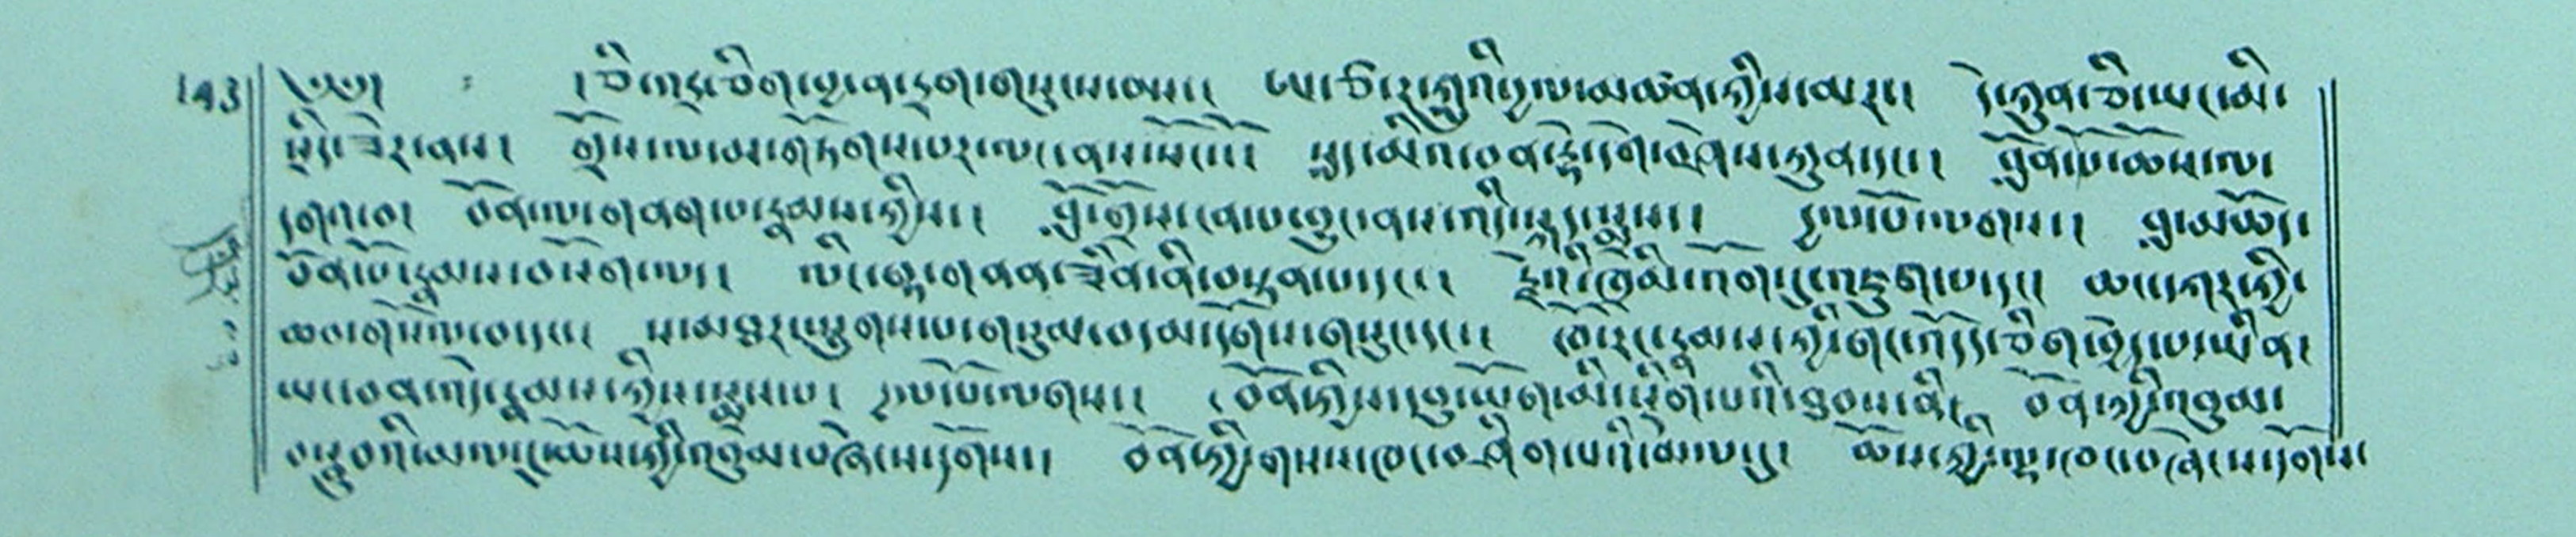༄༅། །ཅི་འདྲ་ཅིག་བྱ་ན་དྲག་གསུངས་པས། ཨ་ཙ་ར་ཀླུའི་རྒྱལ་མཚན་གྱིས་མར། དེ་ཀུན་ཅི་ཡང་མི་
སྲིད་པར་ཟེར་ནས། གྲོས་ལ་མ་གཏོགས་པར་ལངས་ནས་སོང་ངོ་། །སླད་མའི་བན་དྷེ་དགེ་བཤེས་ཀུན་དང་། བློན་པོ་ཆོས་ལ་
དགའ་བ། བོན་ལ་གནག་པ་རྣམས་ཀྱིས། བློ་གྲོས་ངན་པ་བྱུང་ནས་འདི་སྐད་སྨྲས། རྒྱལ་པོ་ལགས། བླ་མཆོད་
བོན་པོ་རྣམས་བསོག་ལ། ལིང་ག་མནན་ཟིན་ནི་བསྟན་པ་དང་། རྗེའི་ཁྲིམས་འོག་ཏུ་འཇུག་པ་དང་། ཆང་དཀར་གྱི་
ཆབ་གསོལ་བ་དང་། ས་མཐར་སྤྱུགས་པ་དང་གསུམ་བདམ་དགོས་གསུང་དང་། ཁོ་རང་རྣམས་ཀྱི་གང་འདོད་གཅིག་བྱེད་པ་ཡིན། 
ཡང་བན་དྷེ་རྣམས་ཀྱིས་སྨྲས་པ། རྒྱལ་པོ་ལགས། བོན་གྱིས་དབུ་ཡོག་མི་སྡིག་པའི་ཐབས་ནི། བོན་གྱི་འབུམ་
བསྣུབ་པའི་མལ་དུ་ཆོས་ཀྱི་འབུམ་བཞེངས་དགོས། བོན་གྱི་གསས་ཁང་བཤིག་པའི་མལ་དུ། ཆོས་ཀྱི་ལྷ་ཁང་བཞེངས་དགོས།